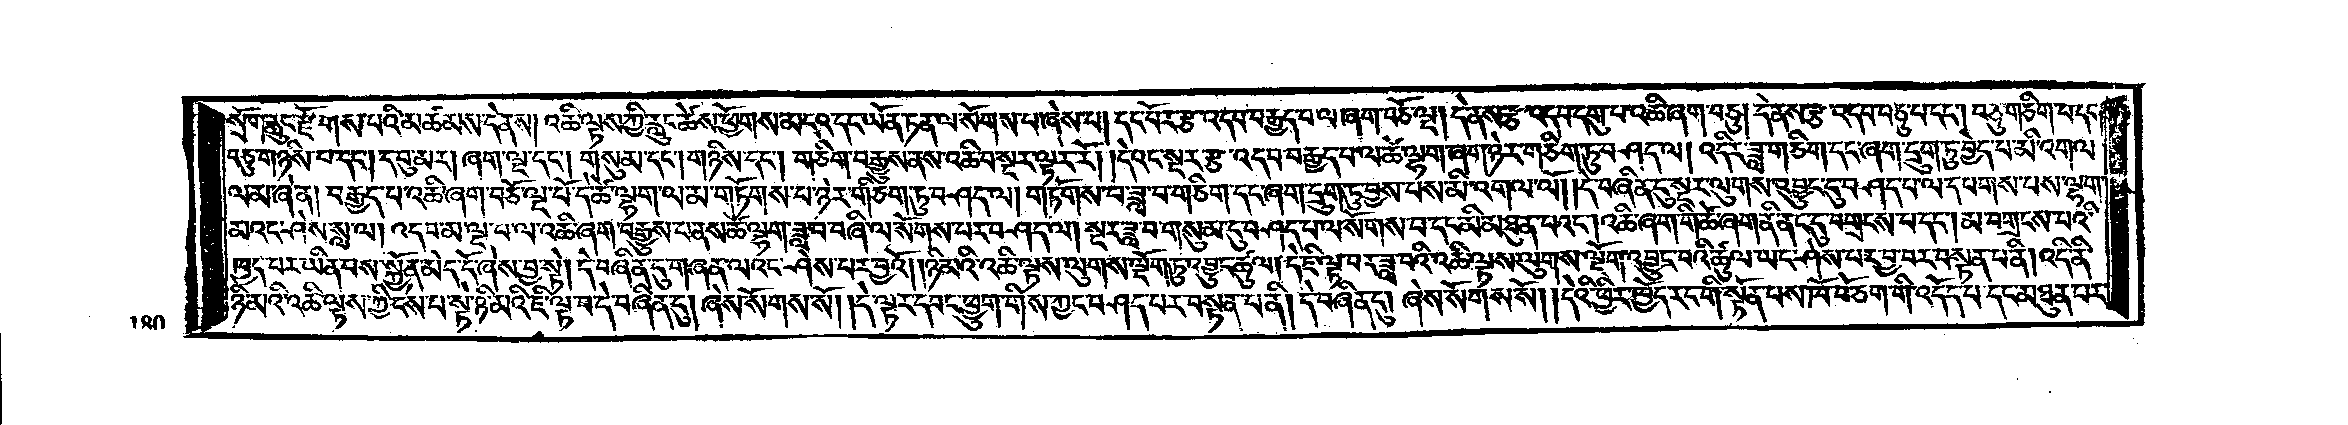སྲོག་རླུང་རྫོགས་པའི་མཚམས་དེ་ནས། འཆི་ལྟས་ཀྱི་རླུང་ཚེས་ཕྱོགས་མདའ་དང་ཡོན་ཏན་ལ་སོགས་པ་ཞེས་པ། དང་པོར་རྩ་འདབ་བརྒྱད་པ་ལ་ཞག་བཅོ་ལྔ། དེ་ནས་རྩ་འདབ་དགུ་པ་འཆི་ཞག་བཅུ། དེ་ནས་རྩ་འདབ་བཅུ་པ་དང་། བཅུ་གཅིག་པ་དང་།
བཅུ་གཉིས་པ་དང་། དབུ་མར། ཞག་ལྔ་དང་། གསུམ་དང་། གཉིས་དང་། གཅིག་བརྒྱུས་ནས་འཆི་བ་སྔར་ལྟར་རོ། །དེའང་སྔར་རྩ་འདབ་བརྒྱད་པ་ལ་ཚེ་ལྷག་ཞག་ཉེར་གཅིག་ཏུ་བཤད་ལ། འདིར་ཟླ་གཅིག་དང་ཞག་དྲུག་ཏུ་བྱེད་པ་མི་འགལ་
ལམ་ཞེ་ན། བརྒྱད་པ་འཆི་ཞག་བཅོ་ལྔ་པོ་དེ་ཚེ་ལྷག་ལ་མ་གཏོགས་པ་ཉེར་གཅིག་ཏུ་བཤད་ལ། གཏོགས་པ་ཟླ་བ་གཅིག་དང་ཞག་དྲུག་ཏུ་བྱས་པས་མི་འགལ་ལོ། །དེ་བཞིན་དུ་སྔར་ལུགས་འབྱུང་དུ་བཤད་པ་ལ་དཔགས་པས་ལྷག་
མའང་ཤེས་སླ་ལ། འདབ་མ་ལྔ་པ་ལ་འཆི་ཞག་བརྒྱུས་པ་ནས་ཚེ་ལྷག་ཟླ་བ་བཞི་ལ་སོགས་པར་བཤད་ལ། སྔར་ཟླ་བ་གསུམ་དུ་བཤད་པ་ལ་སོགས་པ་དང་མི་མཐུན་པའང་། འཆི་ཞག་གི་ཚེ་ཞག་ནི་ནང་དུ་བགྲངས་པ་དང་། མ་བགྲངས་པའི་
ཁྱད་པར་ཡིན་པས་སྐྱོན་མེད་དོ་ཞེས་བྱ་སྟེ། དེ་བཞིན་དུ་གཞན་ལའང་ཤེས་པར་བྱའོ། །ཉི་མའི་འཆི་ལྟས་ལུགས་ལྡོག་ཏུ་འབྱུང་ཚུལ། དེ་ཇི་ལྟ་བར་ཟླ་བའི་འཆི་ལྟས་ལུགས་ལྡོག་འབྱུང་བའི་ཚུལ་ཡང་ཤེས་པར་བྱ་བར་བསྟན་པ་ནི། འདི་ནི་
ཉི་མའི་འཆི་ལྟས་ཀྱི་ངེས་པ་སྟེ་ཉི་མའི་ཇི་ལྟ་བ་དེ་བཞིན་དུ། ཞེས་སོགས་སོ། །དེ་ལྟར་དབང་ཕྱུག་གིས་ཀྱང་བཤད་པར་བསྟན་པ་ནི། དེ་བཞིན་དུ། ཞེས་སོགས་སོ། །དེའི་ཕྱིར་ཁྱོད་རང་གི་སྟོན་པས་ཁོ་བོ་ཅག་གི་འདོད་པ་དང་མཐུན་པར་